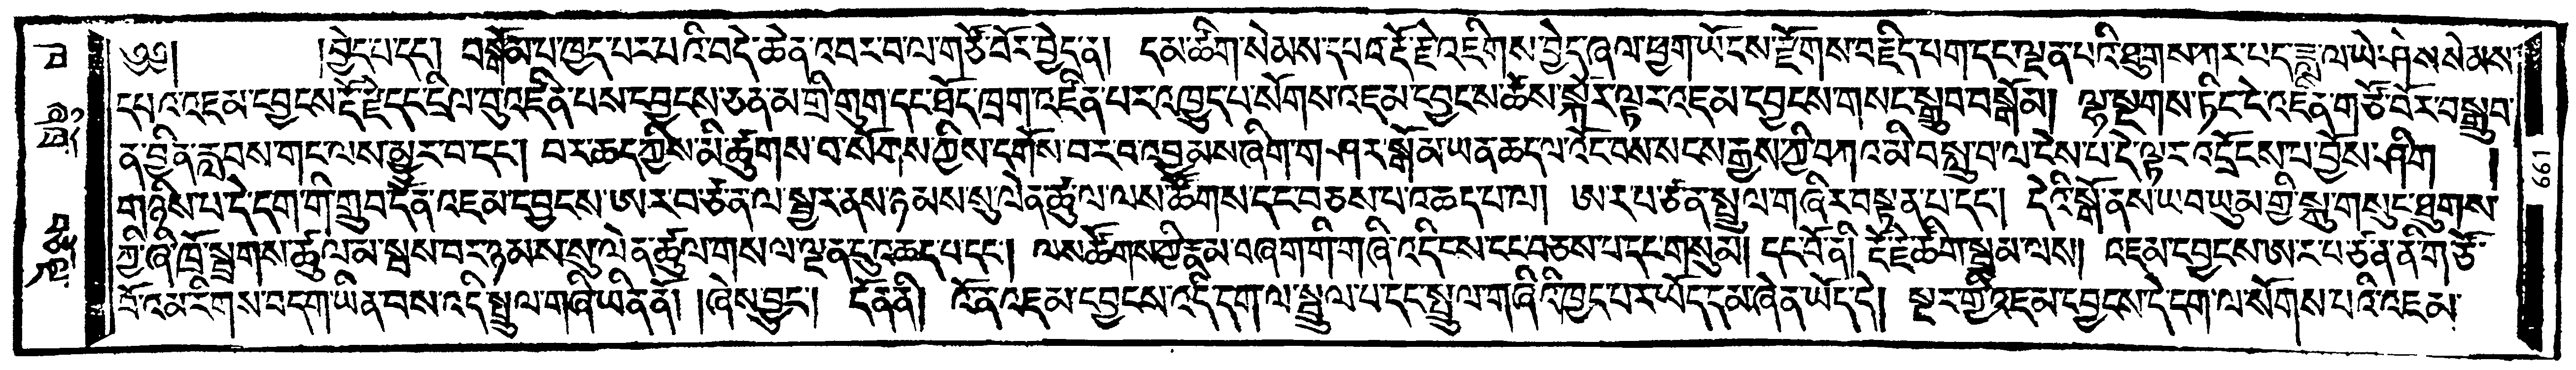༄༅། །བྱེད་པ་དང་། བསྒོམ་པ་ཁྱད་པར་པའི་བདེ་ཆེན་འབར་བ་ལ་གཙོ་བོར་བྱེད་ན། དམ་ཚིག་སེམས་དཔའ་རྡོ་རྗེ་འཇིགས་བྱེད་ཞལ་ཕྱག་ཡོངས་རྫོགས་བརྗིད་པག་དང་ལྡན་པའི་ཐུགས་ཀར་པད་ཟླ་ལ་ཡེ་ཤེས་སེམས་
དཔའ་འཇམ་དབྱངས་རྡོ་རྗེ་དང་དྲིལ་བུ་འཛིན་པས་དབྱངས་ཅན་མ་གྲི་གུག་དང་ཐོད་ཁྲག་འཛིན་པར་འཁྱུད་པ་སོགས་འཇམ་དབྱངས་ཆོས་སྐོར་ལྟར་འཇམ་དབྱངས་གསང་སྒྲུབ་བསྒོམ། ལྷ་སྔགས་ཏིང་ངེ་འཛིན་གཙོ་བོར་བསྒྲུབ་
ན་བྱིན་རླབས་གང་ལས་མྱུར་བ་དང་། བར་ཆད་ཀྱིས་མི་ཚུགས་བ་སོགས་ཀྱིས་དགོས་བར་བ་འབྱམས་ཞིག་གཤར་སྒོམ་ཡན་ཆད་ལ་འོང་བས་སངས་རྒྱས་ཀྱི་བཀའ་མི་བསླུ་བ་ལ་ངེས་པ་དེ་ལྟར་འདྲོངས་པ་བྱོས་ཤིག །
གཉིས་པ་དེ་དག་གི་གྲུབ་དོན་འཇམ་དབྱངས་ཨ་ར་བ་ཙ་ན་ལ་སྦྱར་ནས་ཉམས་སུ་ལེན་ཚུལ་ལས་ཚོགས་དང་བཅས་པ་འཆད་པ་ལ། ཨ་ར་པ་ཙ་ན་སྤྲུལ་གཞིར་བསྟན་པ་དང་། དེའི་སྒོ་ནས་ཡབ་ཡུམ་གྱི་སྐུ་གསུང་ཐུགས་
ཀྱི་ཞི་ཁྲོ་སྦྲགས་ཚུལ་མ་སྦས་བར་ཉམས་སུ་ལེན་ཚུལ་གསལ་ལྡན་དུ་འཆད་པ་དང་། ལས་ཚོགས་ཀྱི་རྣམ་བཞག་གི་གཞི་འདིངས་དང་བཅས་པ་དང་གསུམ། དང་པོ་ནི། རྡོ་རྗེ་ཚིག་སྦྲུམ་ལས། འཇམ་དབྱངས་ཨ་ར་པ་ཙ་ན་ནི་གཙོ་
བོ་འམ་རིགས་བདག་ཡིན་བས་འདི་སྤྲུལ་གཞི་ཡིན་ནོ། །ཞེས་བྱུང་། དོན་ནི། འོ་ན་འཇམ་དབྱངས་འདི་དག་ལ་སྦྲུལ་པ་དང་སྤྲུལ་གཞིའི་ཁྱད་པར་ཡོད་དམ་ཞེན་ཡོད་དེ། སྔར་གྱི་འཇམ་དབྱངས་དེ་དག་ལ་སོགས་པའི་འཇམ་